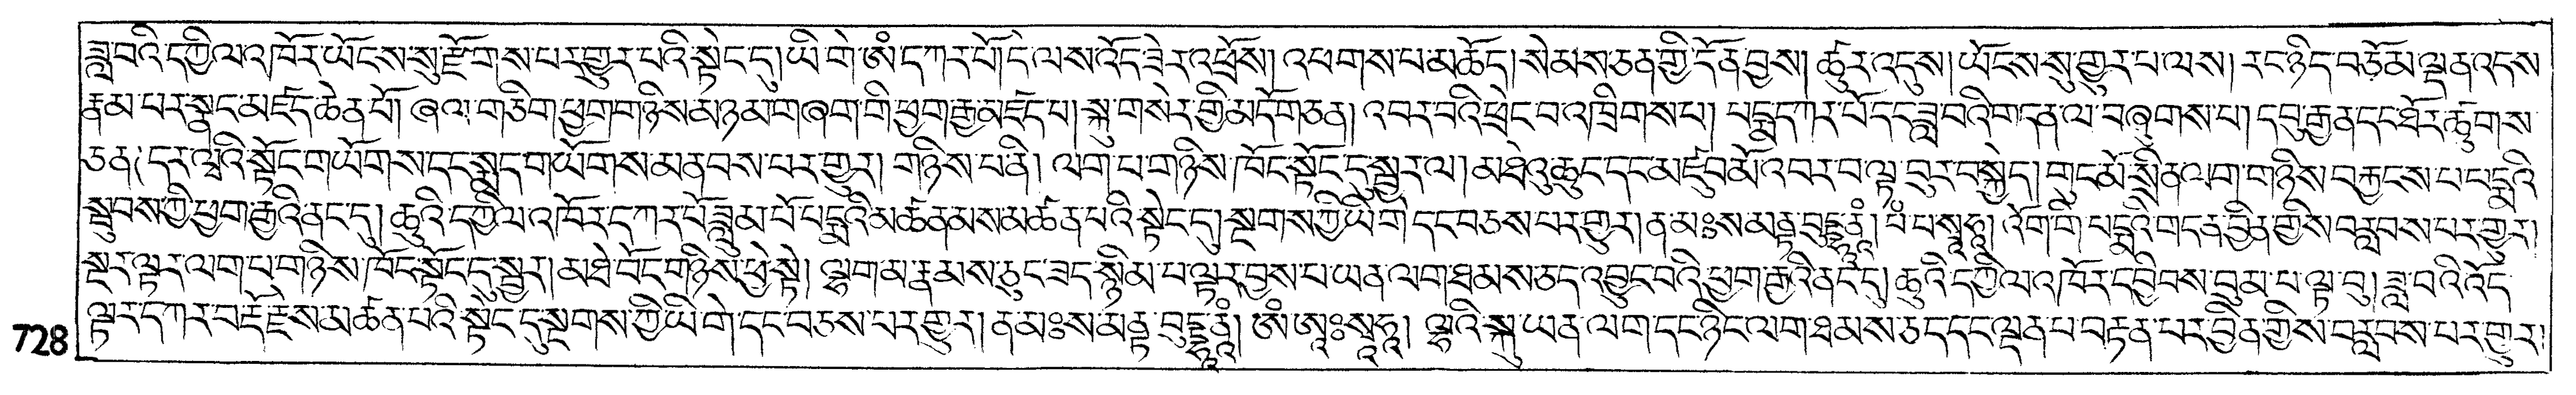ཟླ་བའི་དཀྱིལ་འཁོར་ཡོངས་སུ་རྫོགས་པར་གྱུར་པའི་སྟེང་དུ། ཡི་གེ་ཨཾ་དཀར་པོ། དེ་ལས་འོད་ཟེར་འཕྲོས། འཕགས་པ་མཆོད། སེམས་ཅན་གྱི་དོན་བྱས། ཚུར་འདུས། ཡོངས་སུ་གྱུར་པ་ལས། རང་ཉིད་བཅོམ་ལྡན་འདས་
རྣམ་པར་སྣང་མཛད་ཆེན་པོ། ཞལ་གཅིག་ཕྱག་གཉིས་མཉམ་གཞག་གི་ཕྱག་རྒྱ་མཛད་པ། སྐུ་གསེར་གྱི་མདོག་ཅན། འབར་བའི་ཕྲེང་བ་འཁྲིགས་པ། པདམ་དཀར་པོ་དང་ཟླ་བའི་གདན་ལ་བཞུགས་པ། དབུ་རྒྱན་དང་ཐོར་ཚུགས་
ཅན། དར་ལྭའི་སྟོང་གཡོགས་དང་སྨད་གཡོགས་མནབས་པར་གྱུར། གཉིས་པ་ནི། ལག་པ་གཉིས་ཁོང་སྟོང་དུ་སྦྱར་ལ། མཐེའུ་ཆུང་དང་མཛུབ་མོ་འབར་བ་ལྟ་བུར་བསྐྱེད། གུང་མོ་སྲིན་ལག་གཉིས་བརྐྱངས་པ་པདམའི་
སྦུབས་ཀྱི་ཕྱག་རྒྱའི་ནང་དུ། ཆུའི་དཀྱིལ་འཁོར་དཀར་པོ་ཟླུམ་པོ་པདམའི་མཚན་མས་མཚན་པའི་སྟེང་དུ། སྔགས་ཀྱི་ཡི་གེ་དང་བཅས་པར་གྱུར། ན་མཿ ས་མནྟ་བུདྡྷཱ་ནཱཾ། པཾ་པ་སྭཱཧཱ། འོག་གི་པདམའི་གདན་བྱིན་གྱིས་བརླབས་པར་གྱུར།
སྔར་ལྟར་ལག་པ་གཉིས་ཁོང་སྟོང་དུ་སྦྱར། མཐེ་བོང་གཉིས་ཕྱེ་སྟེ། ལྷག་མ་རྣམས་ཅུང་ཟད་སྙིམ་པ་ལྟར་བྱས་པ་ཡན་ལག་ཐམས་ཅད་འབྱུང་བའི་ཕྱག་རྒྱའི་ནང་དུ། ཆུའི་དཀྱིལ་འཁོར་དབྱིབས་བུམ་པ་ལྟ་བུ། ཟླ་བའི་འོད་
ལྟར་དཀར་བ་རྡོ་རྗེས་མཚན་པའི་སྟེང་དུ་སྔགས་ཀྱི་ཡི་གེ་དང་བཅས་པར་གྱུར། ན་མཿ ས་མནྟ་བུདྡྷཱ་ནཱཾ། ཨཾ་ཨཱཿ སྭཱཧཱ། ལྷའི་སྐུ་ཡན་ལག་དང་ཉིང་ལག་ཐམས་ཅད་དང་ལྡན་པ་བརྟན་པར་བྱིན་གྱིས་བརླབས་པར་གྱུར།